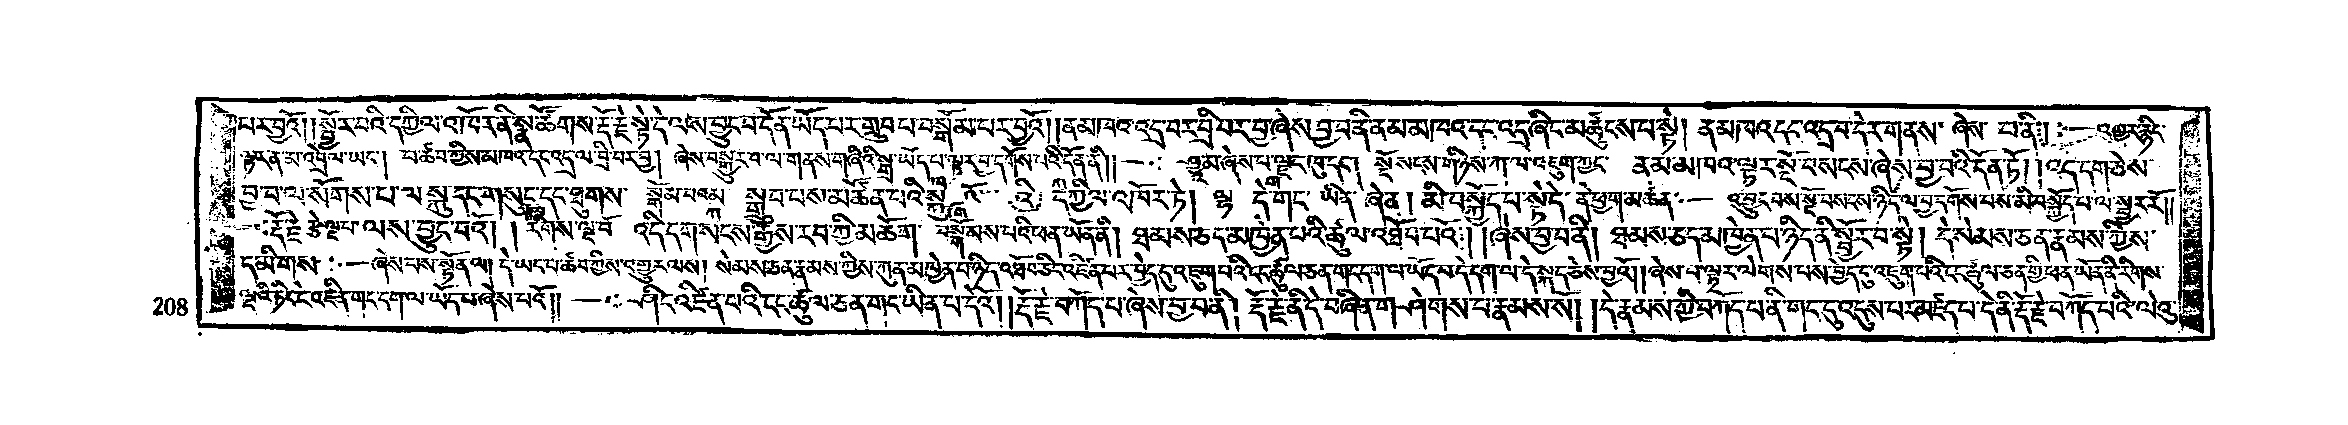པར་བྱའོ། །སྦྱོར་བའི་དཀྱིལ་འཁོར་ནི་སྣ་ཚོགས་རྡོ་རྗེ་སྟེ་དེ་ལས་བྱུང་བ་དོན་ཡོད་པར་གྲུབ་པ་བསྒོམ་པར་བྱའོ། །ནམ་མཁའ་འདྲ་བར་བྲི་བར་བྱ་ཞེས་བྱ་བ་ནི་ནམ་མཁའ་དང་འདྲ་ཞིང་མཚུངས་པ་སྟེ། ནམ་མཁའ་དང་འདྲ་བ་དེར་གནས་ཞེས་པ་ནི། འགྱུར་རྙིང་
ལྟར་ན་མ་འབྲེལ་ཡང་། པ་ཚབ་ཀྱིས་མཁའ་དང་འདྲ་ལ་བྲི་བར་བྱ། ཞེས་བསྒྱུར་བ་ལ་གནས་གཞིའི་སྒྲ་ཡོད་པ་ལྟར་བྱ་དགོས་པའི་དོན་ནོ།། ཤྱཱ་མ་ཞེས་པ་ལྗང་ཁུ་དང་། སྔོ་སངས་གཉིས་ཀ་ལ་འཇུག་ཀྱང་ནམ་མཁའ་ལྟར་སྔོ་བསངས་ཞེས་བྱ་བའི་དོན་ཏོ། །འདི་དག་ཅེས་
བྱ་བ་ལ་སོགས་པ་ལ་སྐུ་དང་གསུང་དང་ཐུགས་སྒོམ་པའམ་སྒྲུབ་པས་མཚོན་པའི་ཁ྄་སྐུའོ་འི་དཀྱིལ་འཁོར་ཏེ། ལྷ་དེ་ག་གང་ཡིན་ཞེ་ན། མི་བསྐྱོད་པ་སྟེ་དེ་ནི་ཕྱག་མཚན་འབྱུང་བས་སྔོ་བསངས་ཉིད་ལ་བྱ་དགོས་པས་མི་བསྐྱོད་པ་ལ་སྦྱར་རོ།།
རྡོ་རྗེ་རྩེ་ལྔ་པ་ལས་བྱུང་བའོ། ། ཁ྄་རིགས་ལྔ་པོ་འདི་དག་ཀ྄་སངས་རྒྱས་རབ་ཀྱི་མཆོག་བསྒོམས་པའི་ཕན་ཡོན་ནི།  ཐམས་ཅད་མཁྱེན་པའི་ཚུལ་འཐོབ་པའོ། །ཞེས་བྱ་བ་ནི། ཐམས་ཅད་མཁྱེན་པ་ཉིད་ནི་སྦྱོར་བ་སྟེ། དེ་སེམས་ཅན་རྣམས་ཀྱིས་
དམིགས་ཞེས་པས་སྟོན་ལ། དེ་ཡང་པ་ཚབ་ཀྱིས་འགྱུར་ལས། སེམས་ཅན་རྣམས་ཀྱིས་ཀུན་མཁྱེན་པ་ཉིད་འཐོབ་ཅིང་འཛིན་པར་བྱེད་དུ་འཇུག་པའི་ངང་ཚུལ་ཅན་གང་དག་ལ་ཡོད་པ་དེ་དག་ལ་དེ་སྐད་ཅེས་བྱའོ། །ཞེས་པ་ལྟར་ལེགས་པས་བྱེད་དུ་འཇུག་པའི་ངང་ཚུལ་ཅན་གྱི་ཕན་ཡོན་ནི་རིགས
ལྔའི་ཏིང་ངེ་འཛིན་གང་དག་ལ་ཡོད་པ་ཞེས་པའོ།། ཤིང་འཛིན་པའི་ངང་ཚུལ་ཅན་གང་ཡིན་པ་དེའོ། །རྡོ་རྗེ་བཀོད་པ་ཞེས་བྱ་བ་ནི། རྡོ་རྗེ་ནི་དེ་བཞིན་གཤེགས་པ་རྣམས་སོ། །དེ་རྣམས་ཀྱི་བཀོད་པ་ནི་གང་དུ་འདུས་པར་མཛད་པ་དེ་ནི་རྡོ་རྗེ་བཀོད་པའི་ལེའུ་